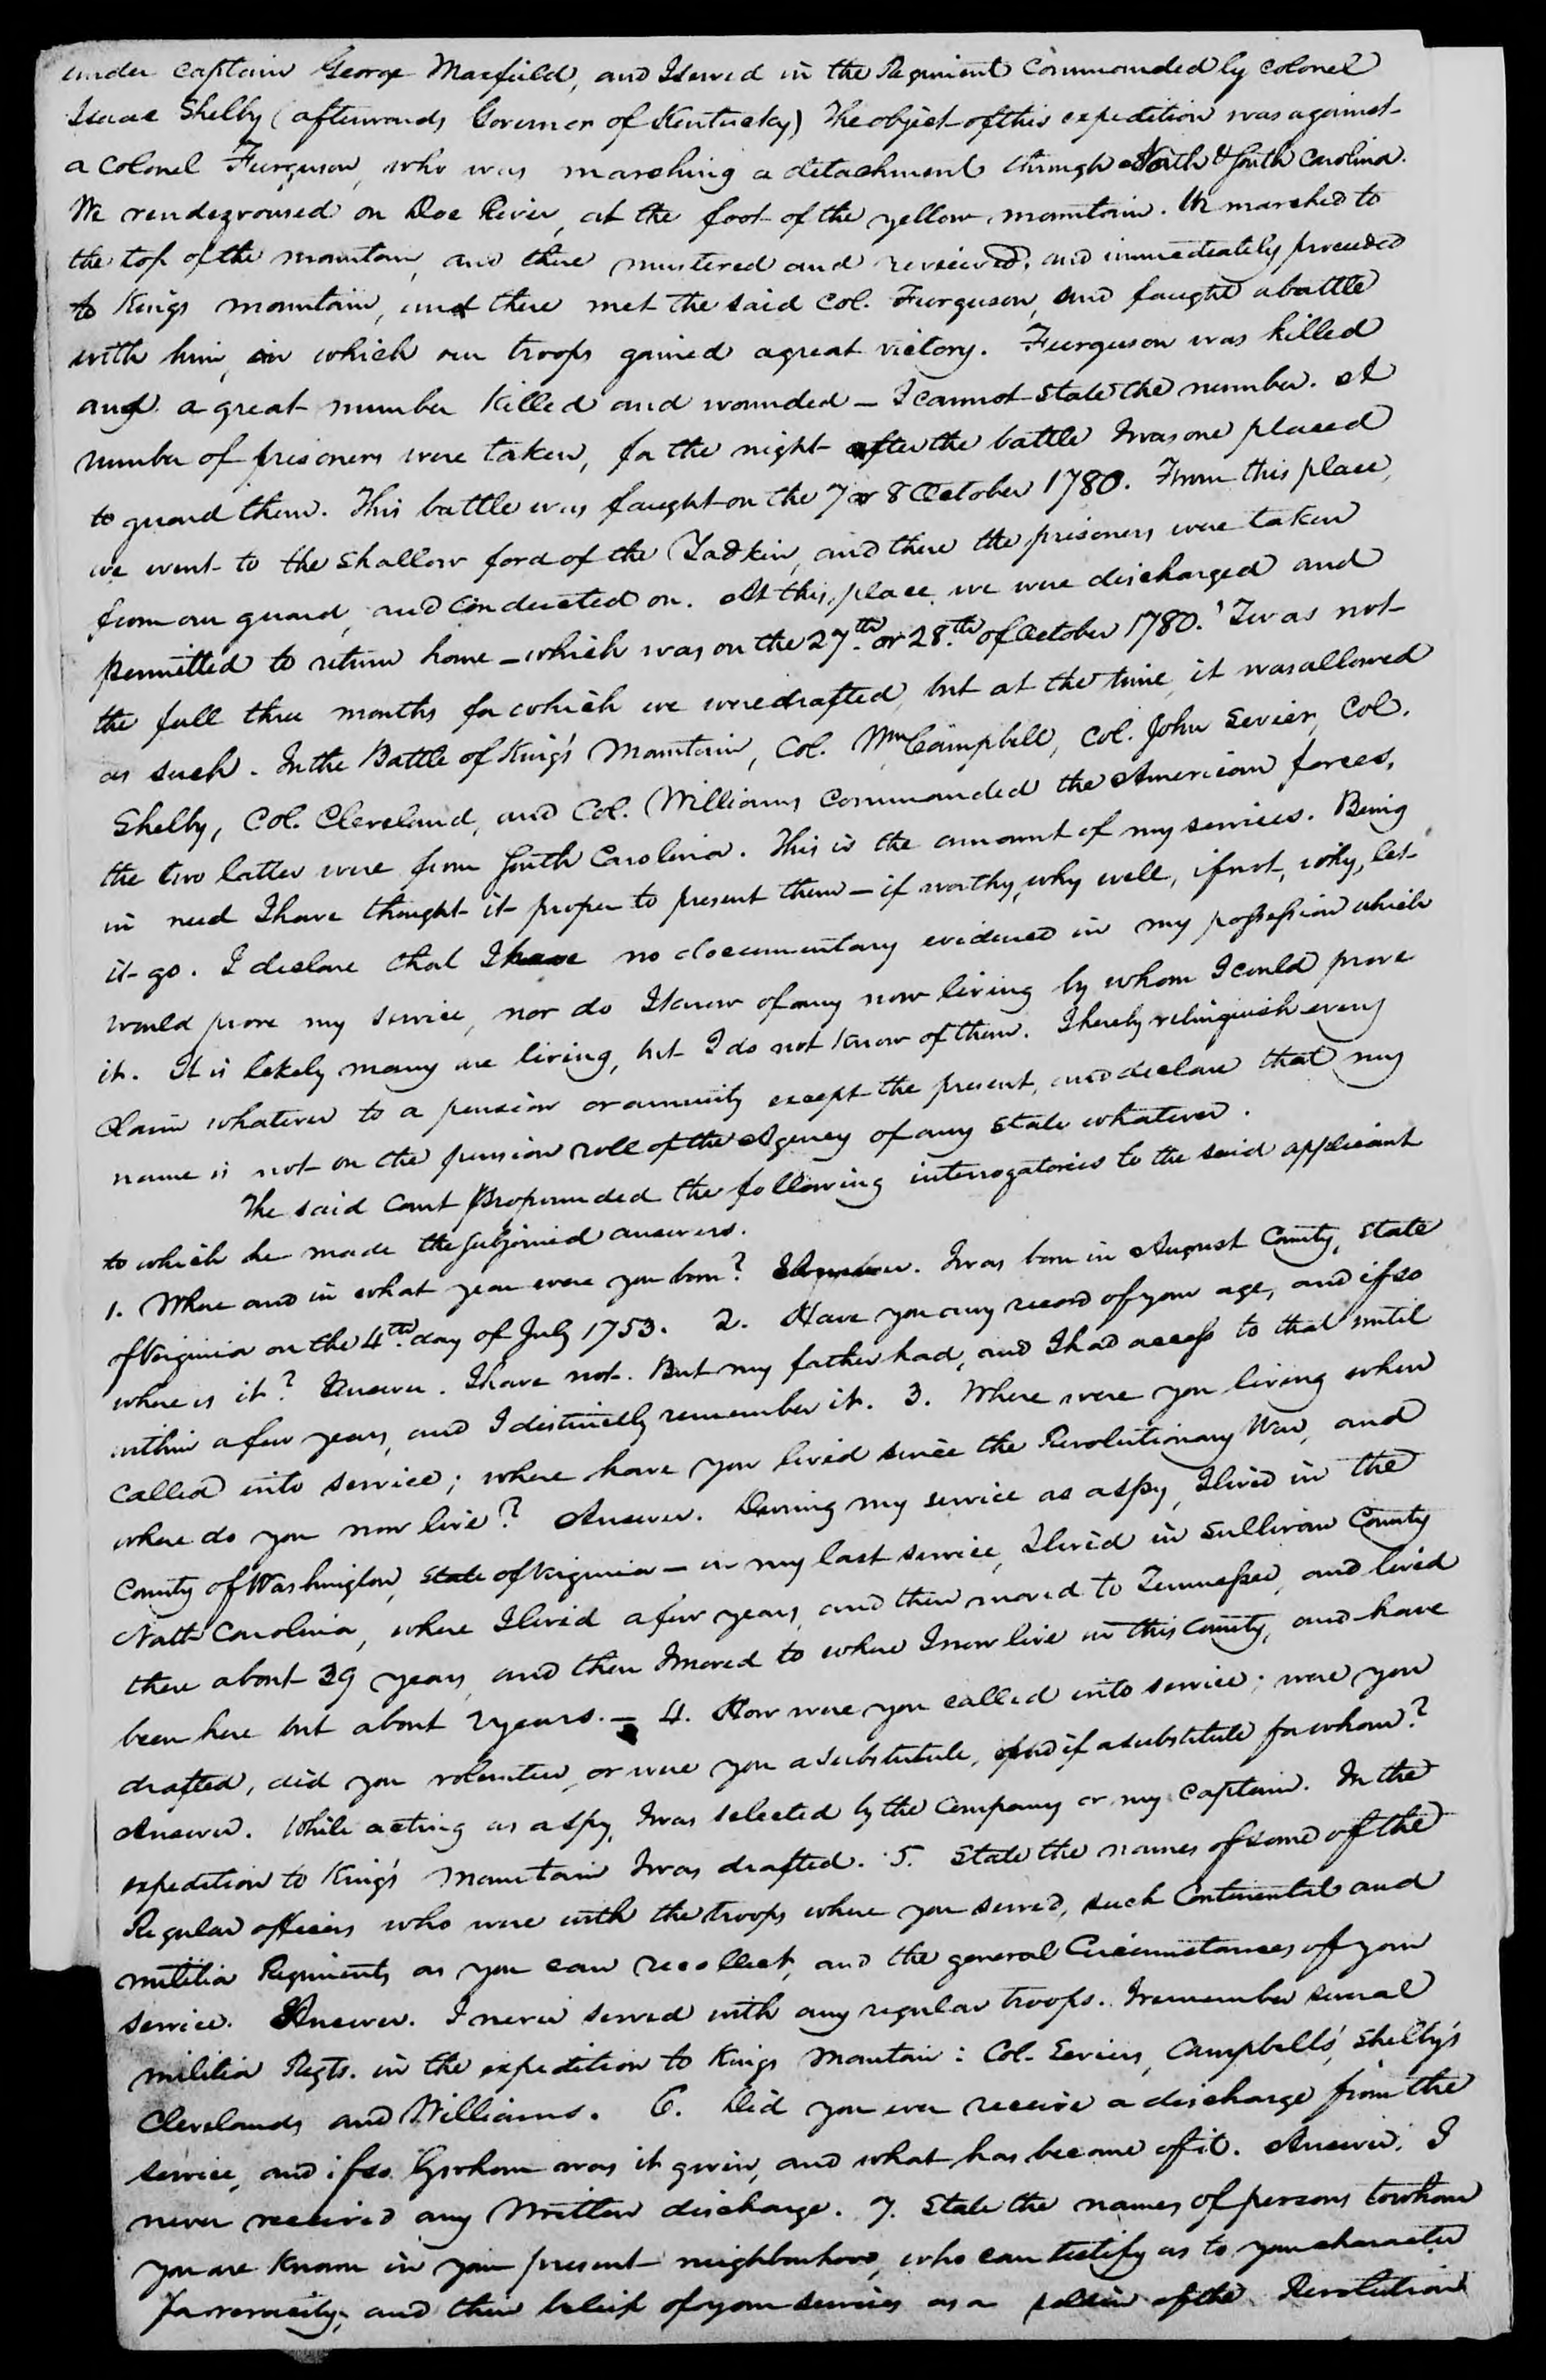under Captain George Maxfield, and I served in the Regiment Commanded by Colonel Isaac Shelby (afterwards, Goremer of Kentucky) The object of this expedition was against a Colonel Ferguson, who was marching a detachment through North & South Carolina. 
We rendezvoused on Doe River, at the foot of the yellow mountain. We marched to the top of the mountain, and then mustered and reviewed, and immediately proceeded to Kings Mountain, and there met the said Col. Ferguson, and fought a battle with him, in which our troops gained a great victory. Ferguson was killed and a great number killed and wounded - I cannot state the number. A number of prisoners were taken, for the night after the battle I was one placed to guard them. This battle was fought on the 7 or 8 October 1780. From this place, we went to the shallow ford of the Yadkin, and there the prisoners were taken from our guard, and Conducted on. At this place we were discharged and permitted to return home - which was on the 27th or 28th of October 1780. 'Twas not the full three months for which we were drafted, but at the time, it was allowed as such. In the Battle of King's Mountain, Col. Wm. Campbell, Col. John Sevier, Col. Shelby, Col. Cleveland, and Col. Williams Commanded the American forces, the two latter were from South Carolina. This is the amount of my services. Being in need I have thought it proper to present them - if worthy, why well, if not, why, let it go. I disclose that I have no documentary evidence in my possession which would prove my service, nor do I know of any now living by whom I could prove it. It is likely many are living, but I do not know of them. I hereby relinquish every claim whatever to a pension or annuity except the present, and declare that my name is not on the pension roll of the Agency of any state whatever.
The said Court propounded the following interrogatories to the said applicant to which he made the Subjoined answers.
1. Where and in what year were you born? Answer. I was born in August County, State of Virginia on the 4th day of July 1753. 2. Have you any record of your age, and if so where is it? Answer. I have not. But my father had, and I had access to that until within a few years, and I distinctly remember it. 3. Where were you living when called into service; where have you lived since the Revolutionary War, and where do you now live? Answer. During my service as a spy, I lived in the County of Washington, State of Virginia - in my last service, I lived in Sullivan County North Carolina, where I lived a few years, and then moved to Tennessee, and lived there about 39 years, and then moved to where I now live in this County, and have been here but about 2 years. - 4. How were you called into service; were you drafted, did you volunteer, or were you a substitute, and if a substitute for whom? Answer. While acting as a spy, I was selected by the Company or my Captain. In the expedition to King's Mountain I was drafted. 5. State the names of some of the Regular officers who were with the troops where you served, such Continental and Militia Regiments as you can recollect, and the general Circumstances of your service. Answer. I never served with any regular troops. I remember several militia Regts. in the expedition to King's Mountain: Col. Ewins, Campbell's, Shelby's, Clevelands and Williams. 6. Did you ever receive a discharge from the service, and if so, by whom was it given, and what has become of it. Answer. I never received any Written discharge. 7. State the names of persons to whom  you are known in your present neighborhood, who can testify as to your character for veracity, and their belief of your services as a soldier of the Revolution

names: Cleveland, Furguson, Wm Campbell, Campbell, Shelby, Cleveland, Williams, George Macfield, Isaac Shelby, Shelby, Williams, Evins, Furguson, Furguson, John Sevier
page: 4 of 18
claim: survivor's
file: S. 30,366, Nathaniel Davis, N.C. Va.